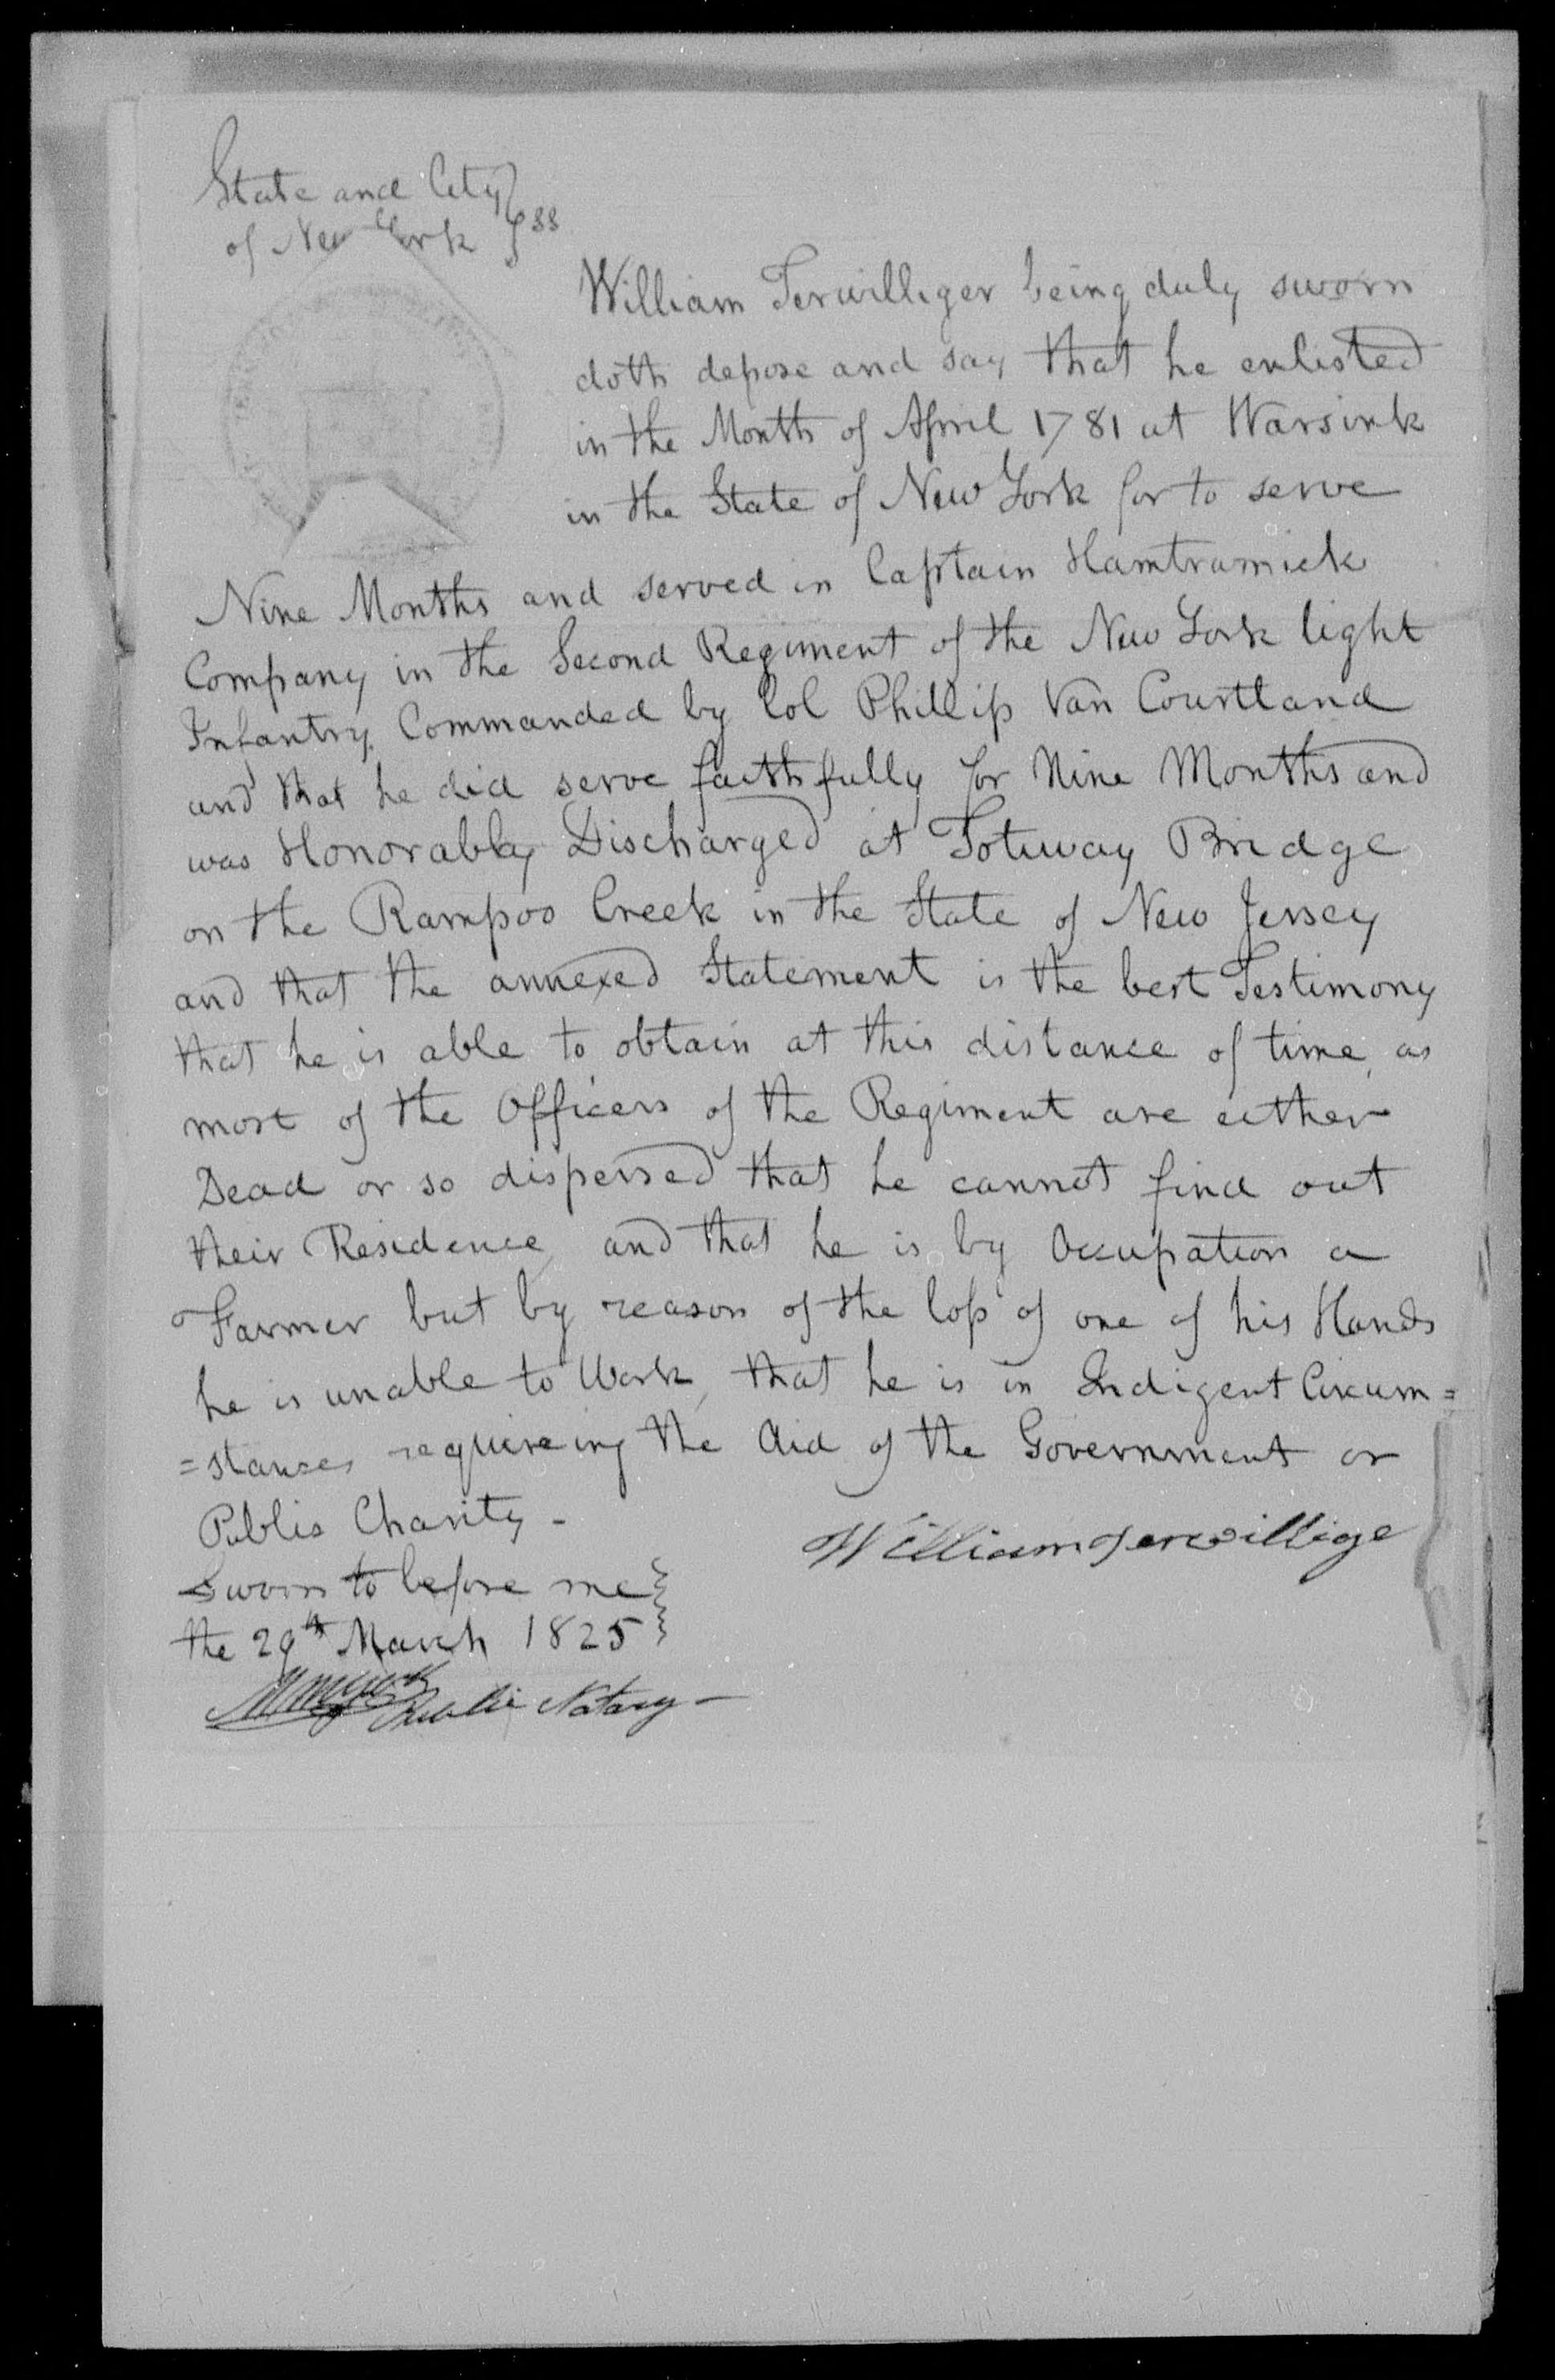State and City of
New York
William Terwilliger being duly sworn
doth depose and say that he enlisted
in the month of April 1781 at Warsink
in the State of New York for to serve
Nine months and served in Captain Hamtramick
Company in the Second Regiment of the New York light
Infantry commanded by Col Philip Van Courtland
and that he did serve faithfully for nine months and
was Honorable Discharged at Totaway Bridge
on the Rampoo Creek in the State of New Jersey
and that the annexed statement is the best Testimony
that he is able to obtain at this distance of time as
most of the Officers of the Regiment are either
Dead or so dispersed that he cannot find out
their Residence, and that he is by occupation a
Farmer but by reason of the loss of one of his hands
he is unable to work, that he is in Indigent circumstances
requiring the aid of the Government or
Public Charity-

William Terwilliger
Sworn to before me
the
29th March 1825
Stary Public Notary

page: 4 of 64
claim: survivor's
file: S. 42,464, for William Terwilliger, New York